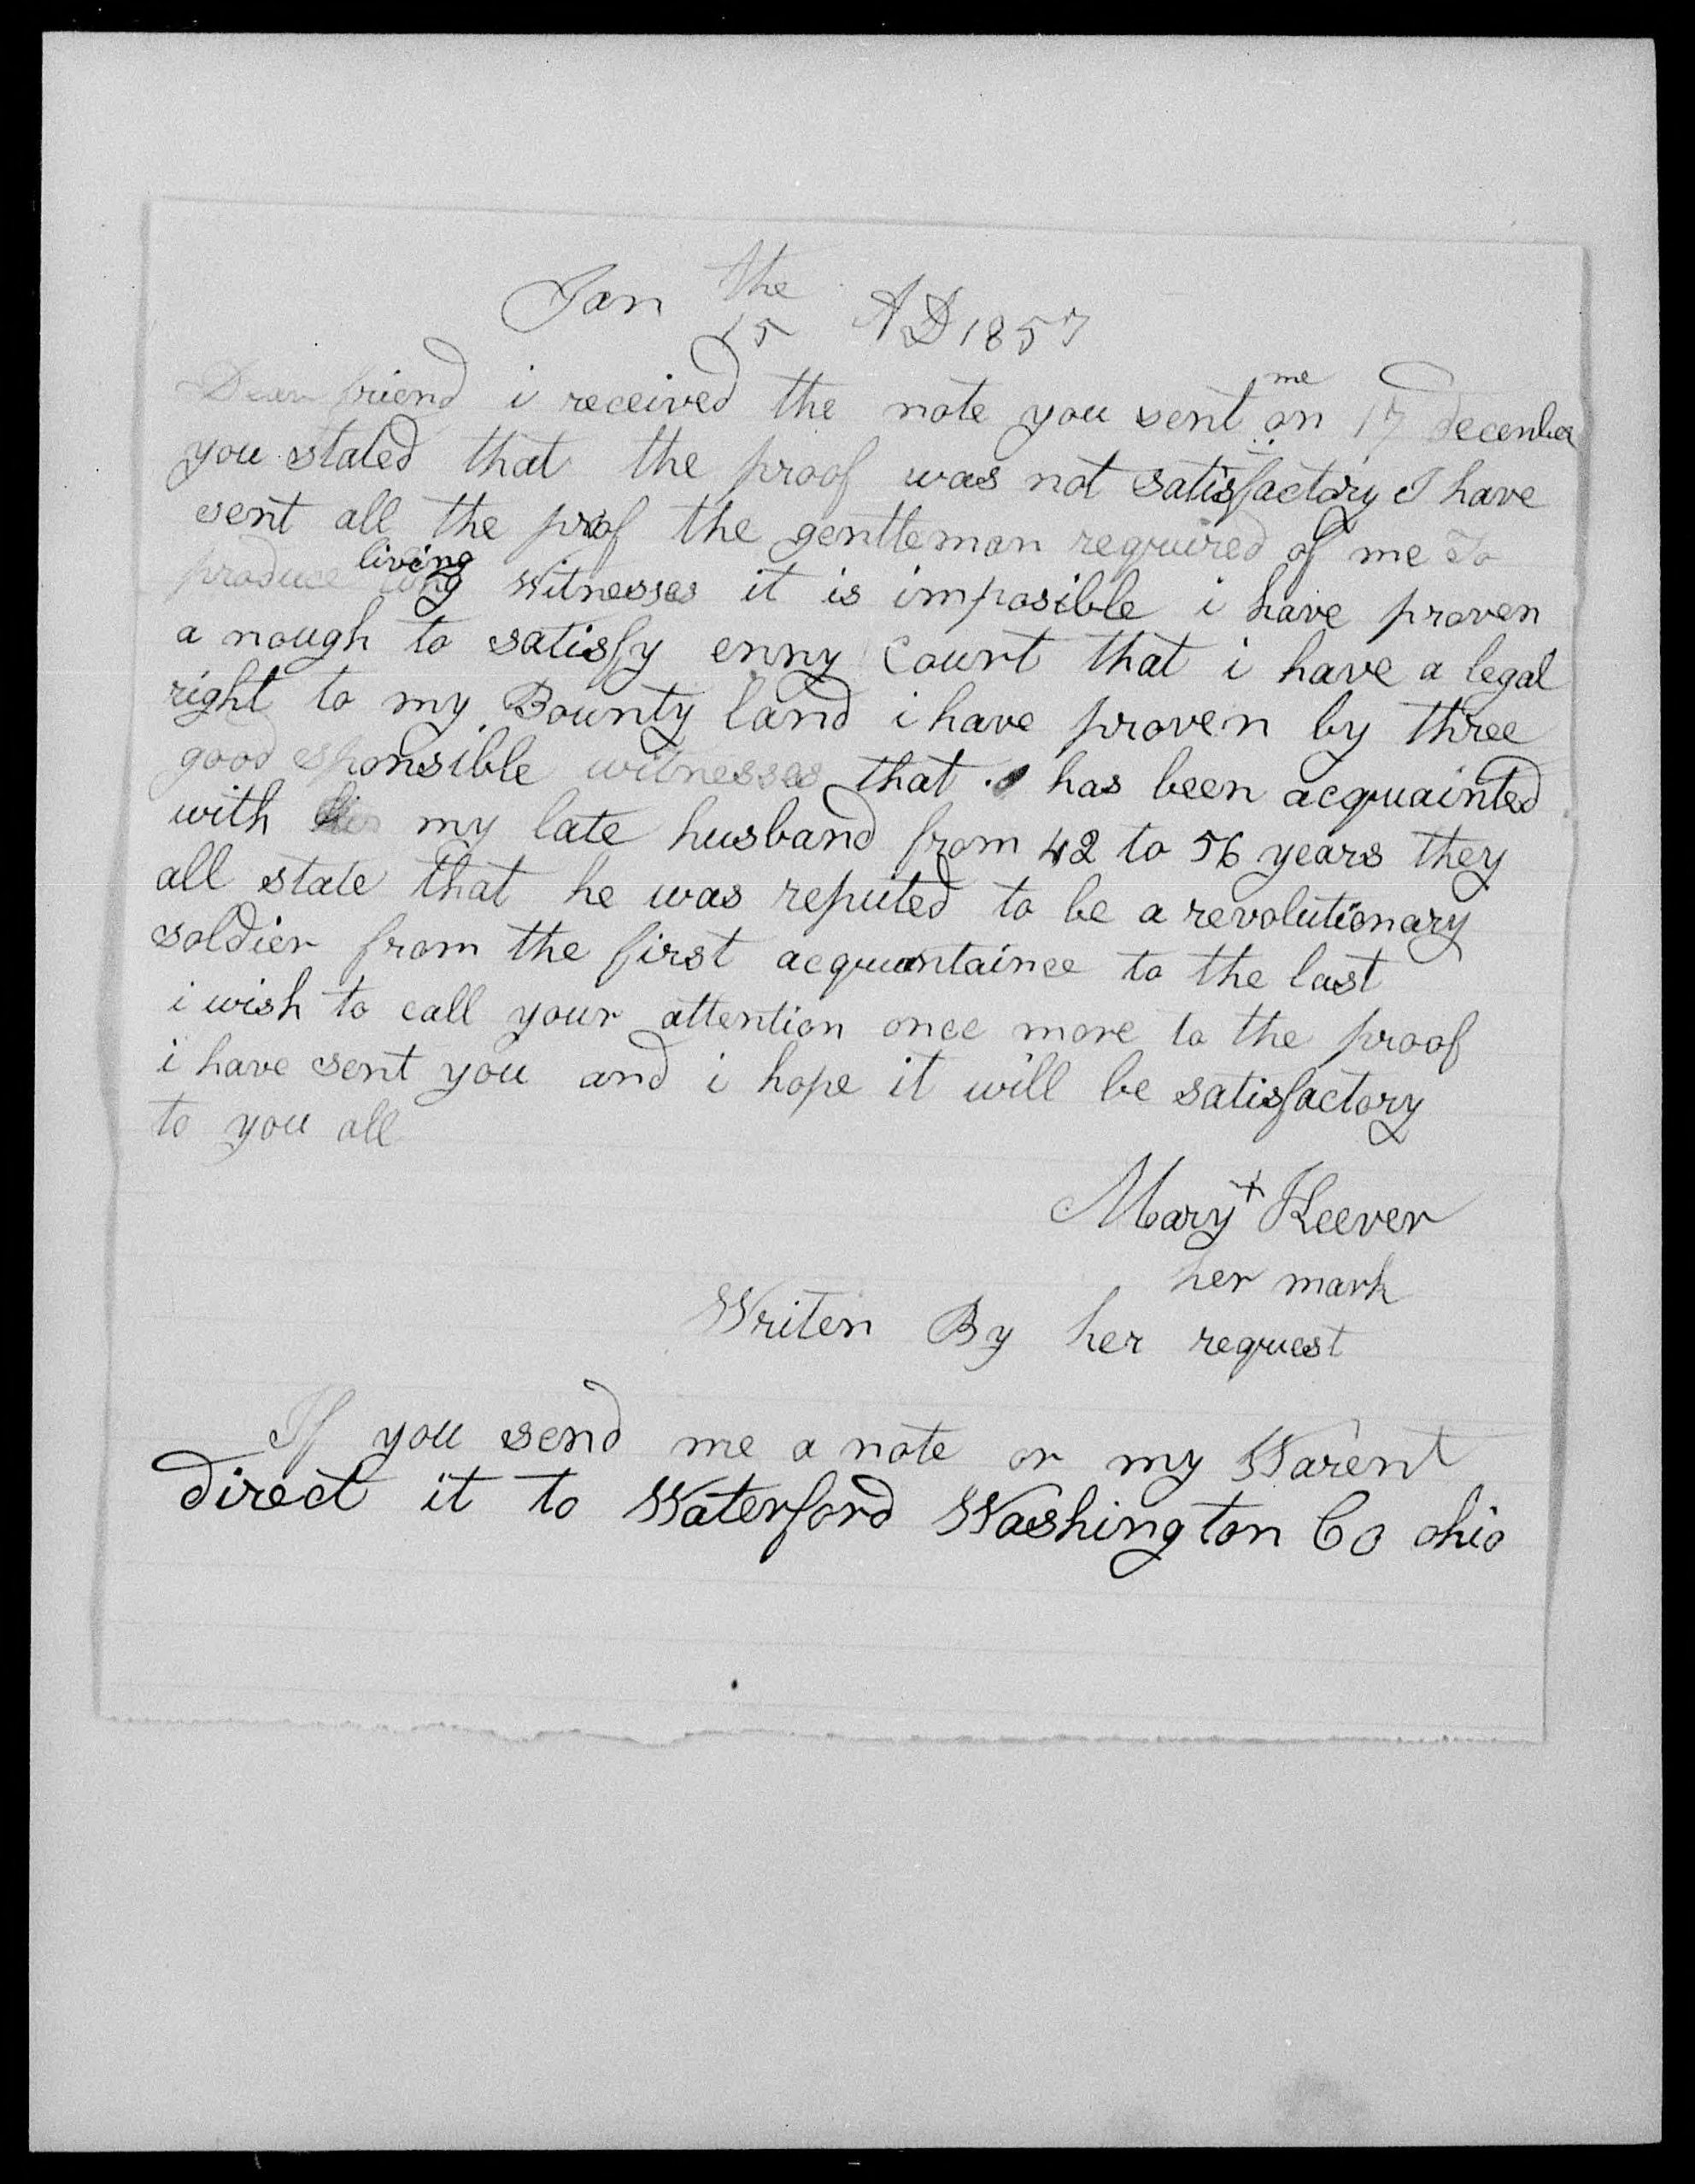Jan the 15 A D 1857 
Dear friend 
i received the note you sent me on 17 December 
you stated that the proof was not satisfactory I have 
sent all the proof the gentleman required of me To 
produce living witnesses it is imposible i have proven a nough to satisfy enny Court that i have a legal 
right to my Bounty land i have proven by three good sponsible witnesses that I has been acquainted 
with his my late husband from 42 to 56 years they 
all state that he was reputed to be a revolutionary soldier from the first acquaintaince to the last 
i wish to call your attention once more to the proof 
i have sent you and i hope it will be satisfactory to you all 
Mary Keever her + mark 
Writen By her request 

If you send me a note or my Warent
direct it to Waterford Washington Co Ohio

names: Mary Keever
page: 30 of 33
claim: rejected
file: R. 5814, for John Keever, Maryland